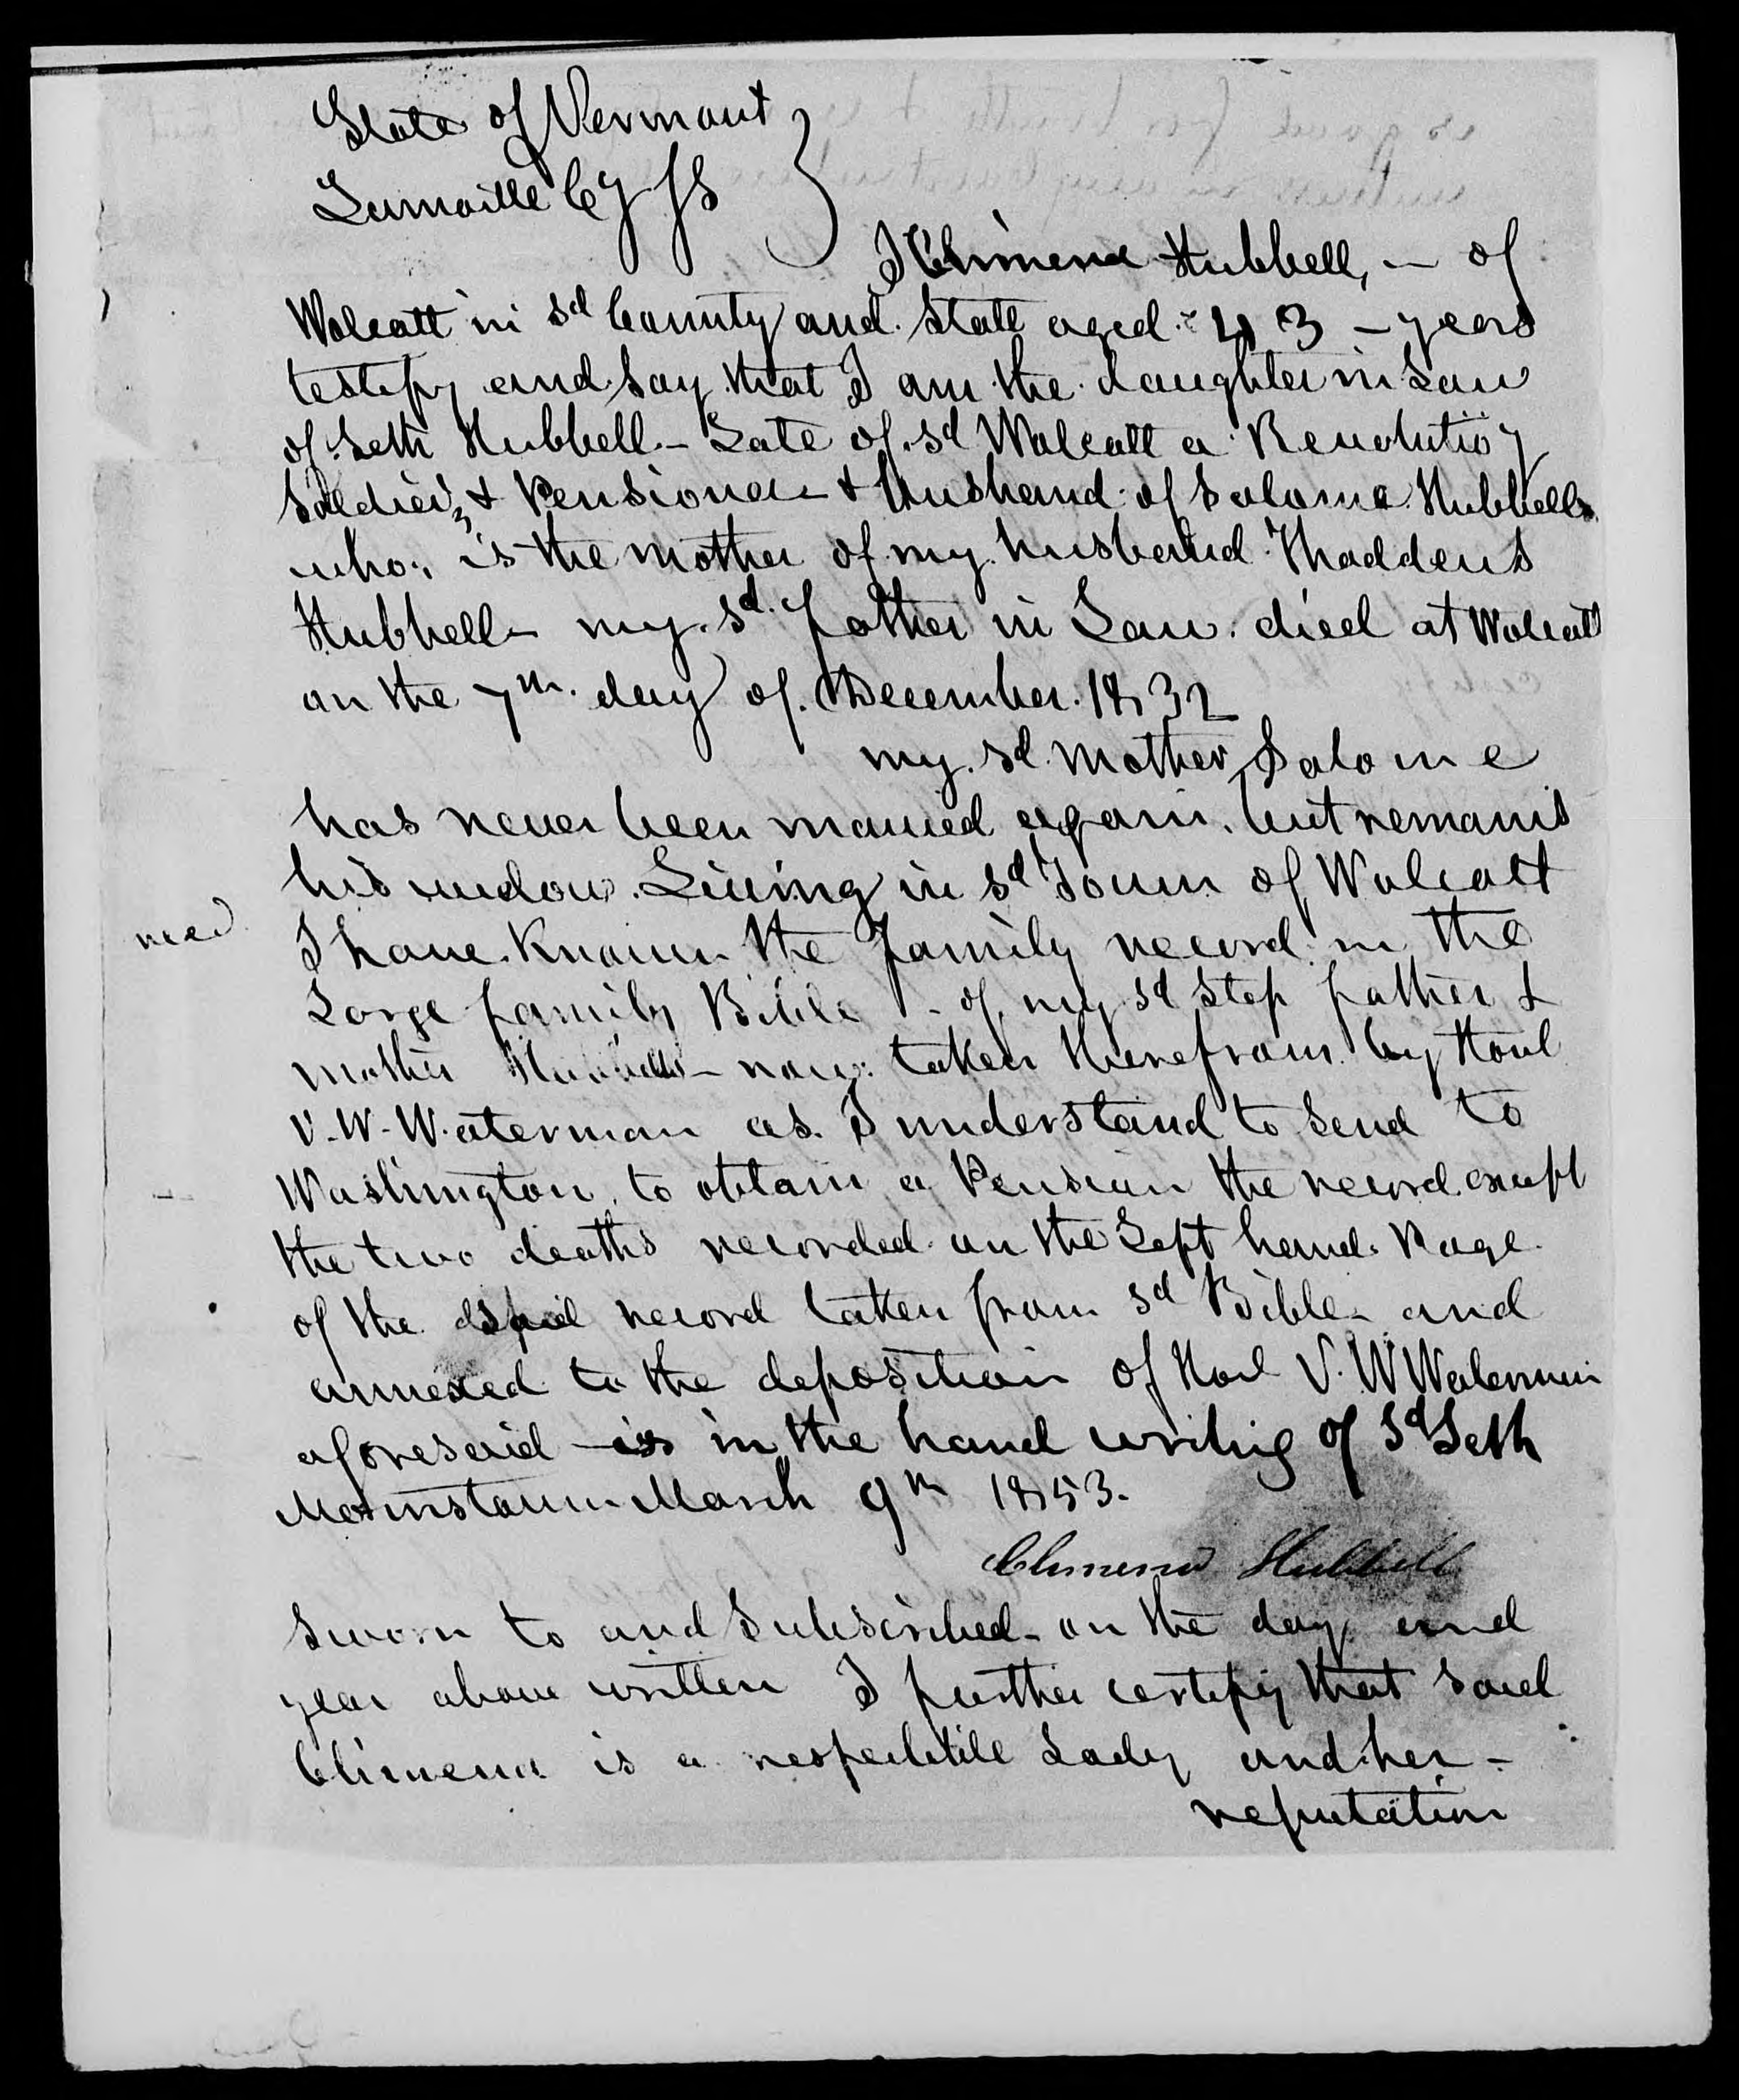State of Vermont }
Lamoille Cy ss      }
                              I Climena Hubbell - of Walcott in sd County and State aged 43 - years testify and say that I am the daughter in law of Seth Hubbell - late of sd Walcott a Revolutionary soldier & Pensioner & husband of Salome Hubbell who is the mother of my husband Thaddeus Hubbell - my sd father in law died at Walcott on the 7th day of December 1832
                             My sd mother Salome has never been married again, but remains his widow. Living in sd town of Walcott I have [illegible] the family record in the large family Bible of my sd step father & mother Hubbells now taken there from by Honl V.W. Waterman as I understand to send to Washington to obtain a Pension the record [illegible] the two deaths recorded on the left hand page of the said record taken from sd Bible and annexed to the deposition of Honl V.W. Waterman aforesaid is in the  hand writing of sd Seth [illegible] March 9th 1853.
                                                                                           Climena Hubell
Sworn to and subscribed on the day and year above written I further certify that said Climena is a respectabile Lady and her reputation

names: V W Waterman, Thaddeus Hubbell, Climena Hubbell, Salome Hubbell, Seth Hubbell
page: 22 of 114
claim: widow's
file: W. 2115, Seth Hubbell, Conn.